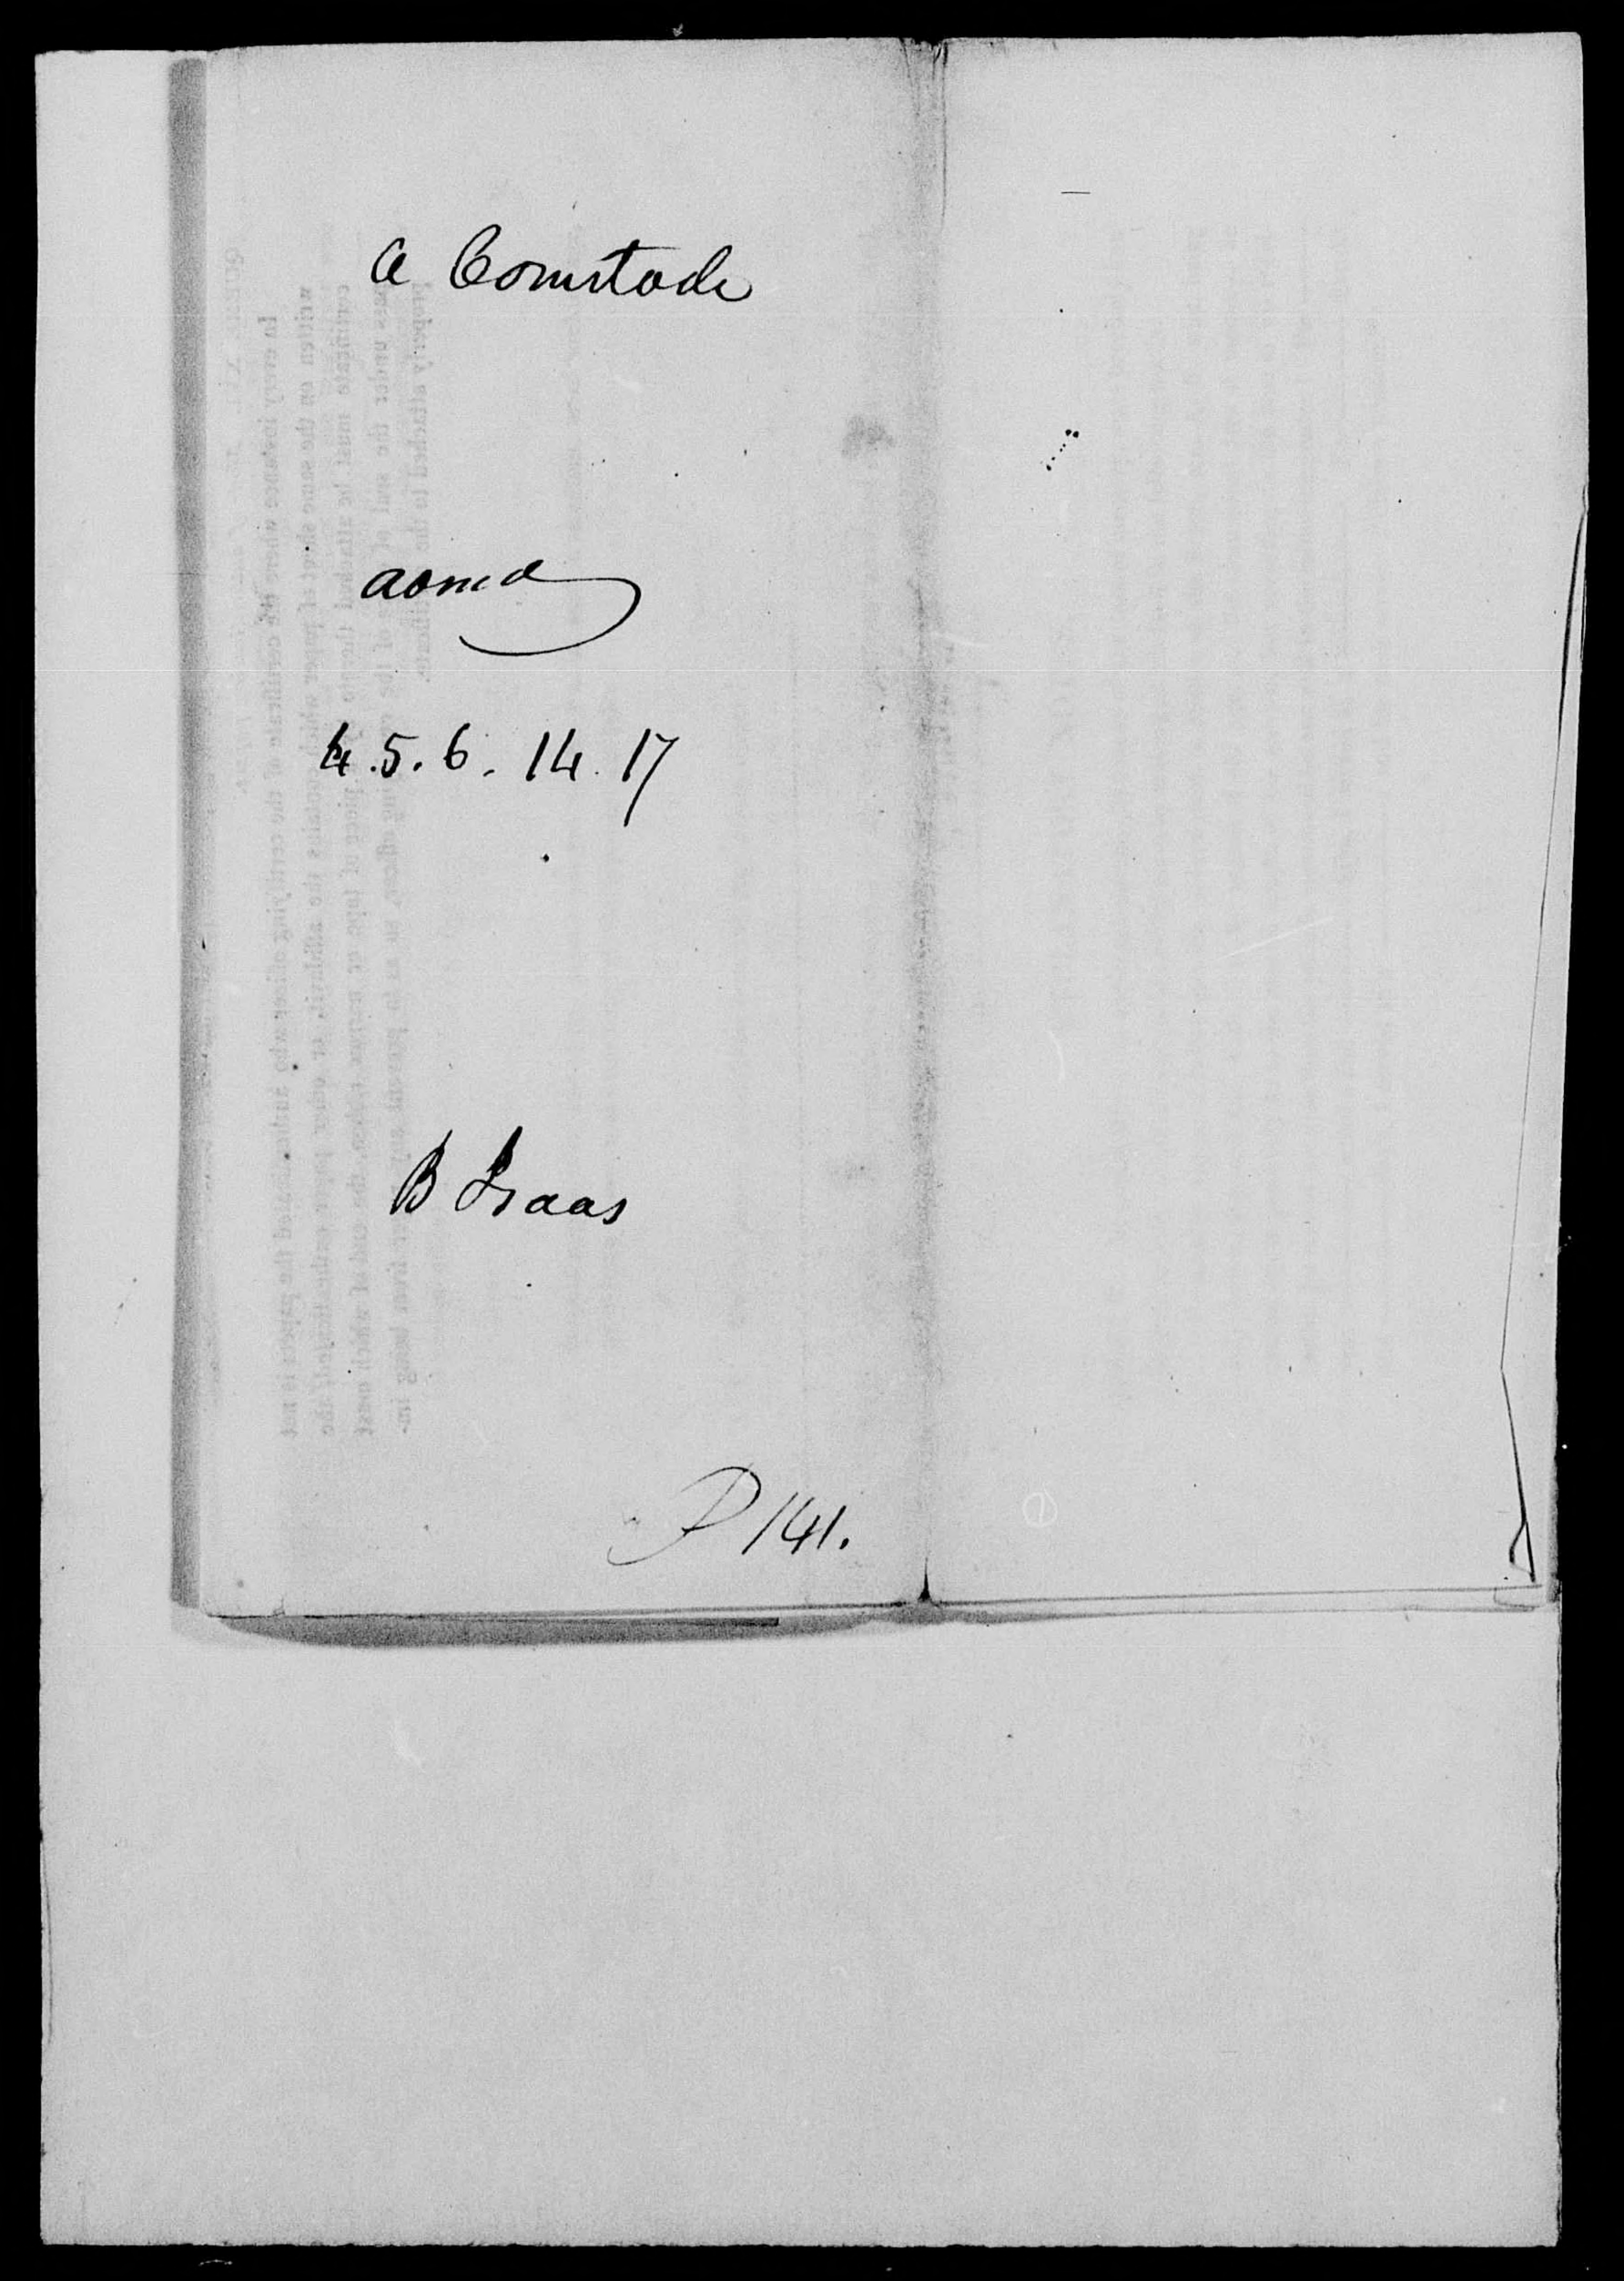A Comstock

admd

4.5.6.14.17

B Isaacs

P 141.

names: A Comstock, B Isaas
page: 33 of 43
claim: widow's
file: W. 17,647, Aaron Comstock, Conn.